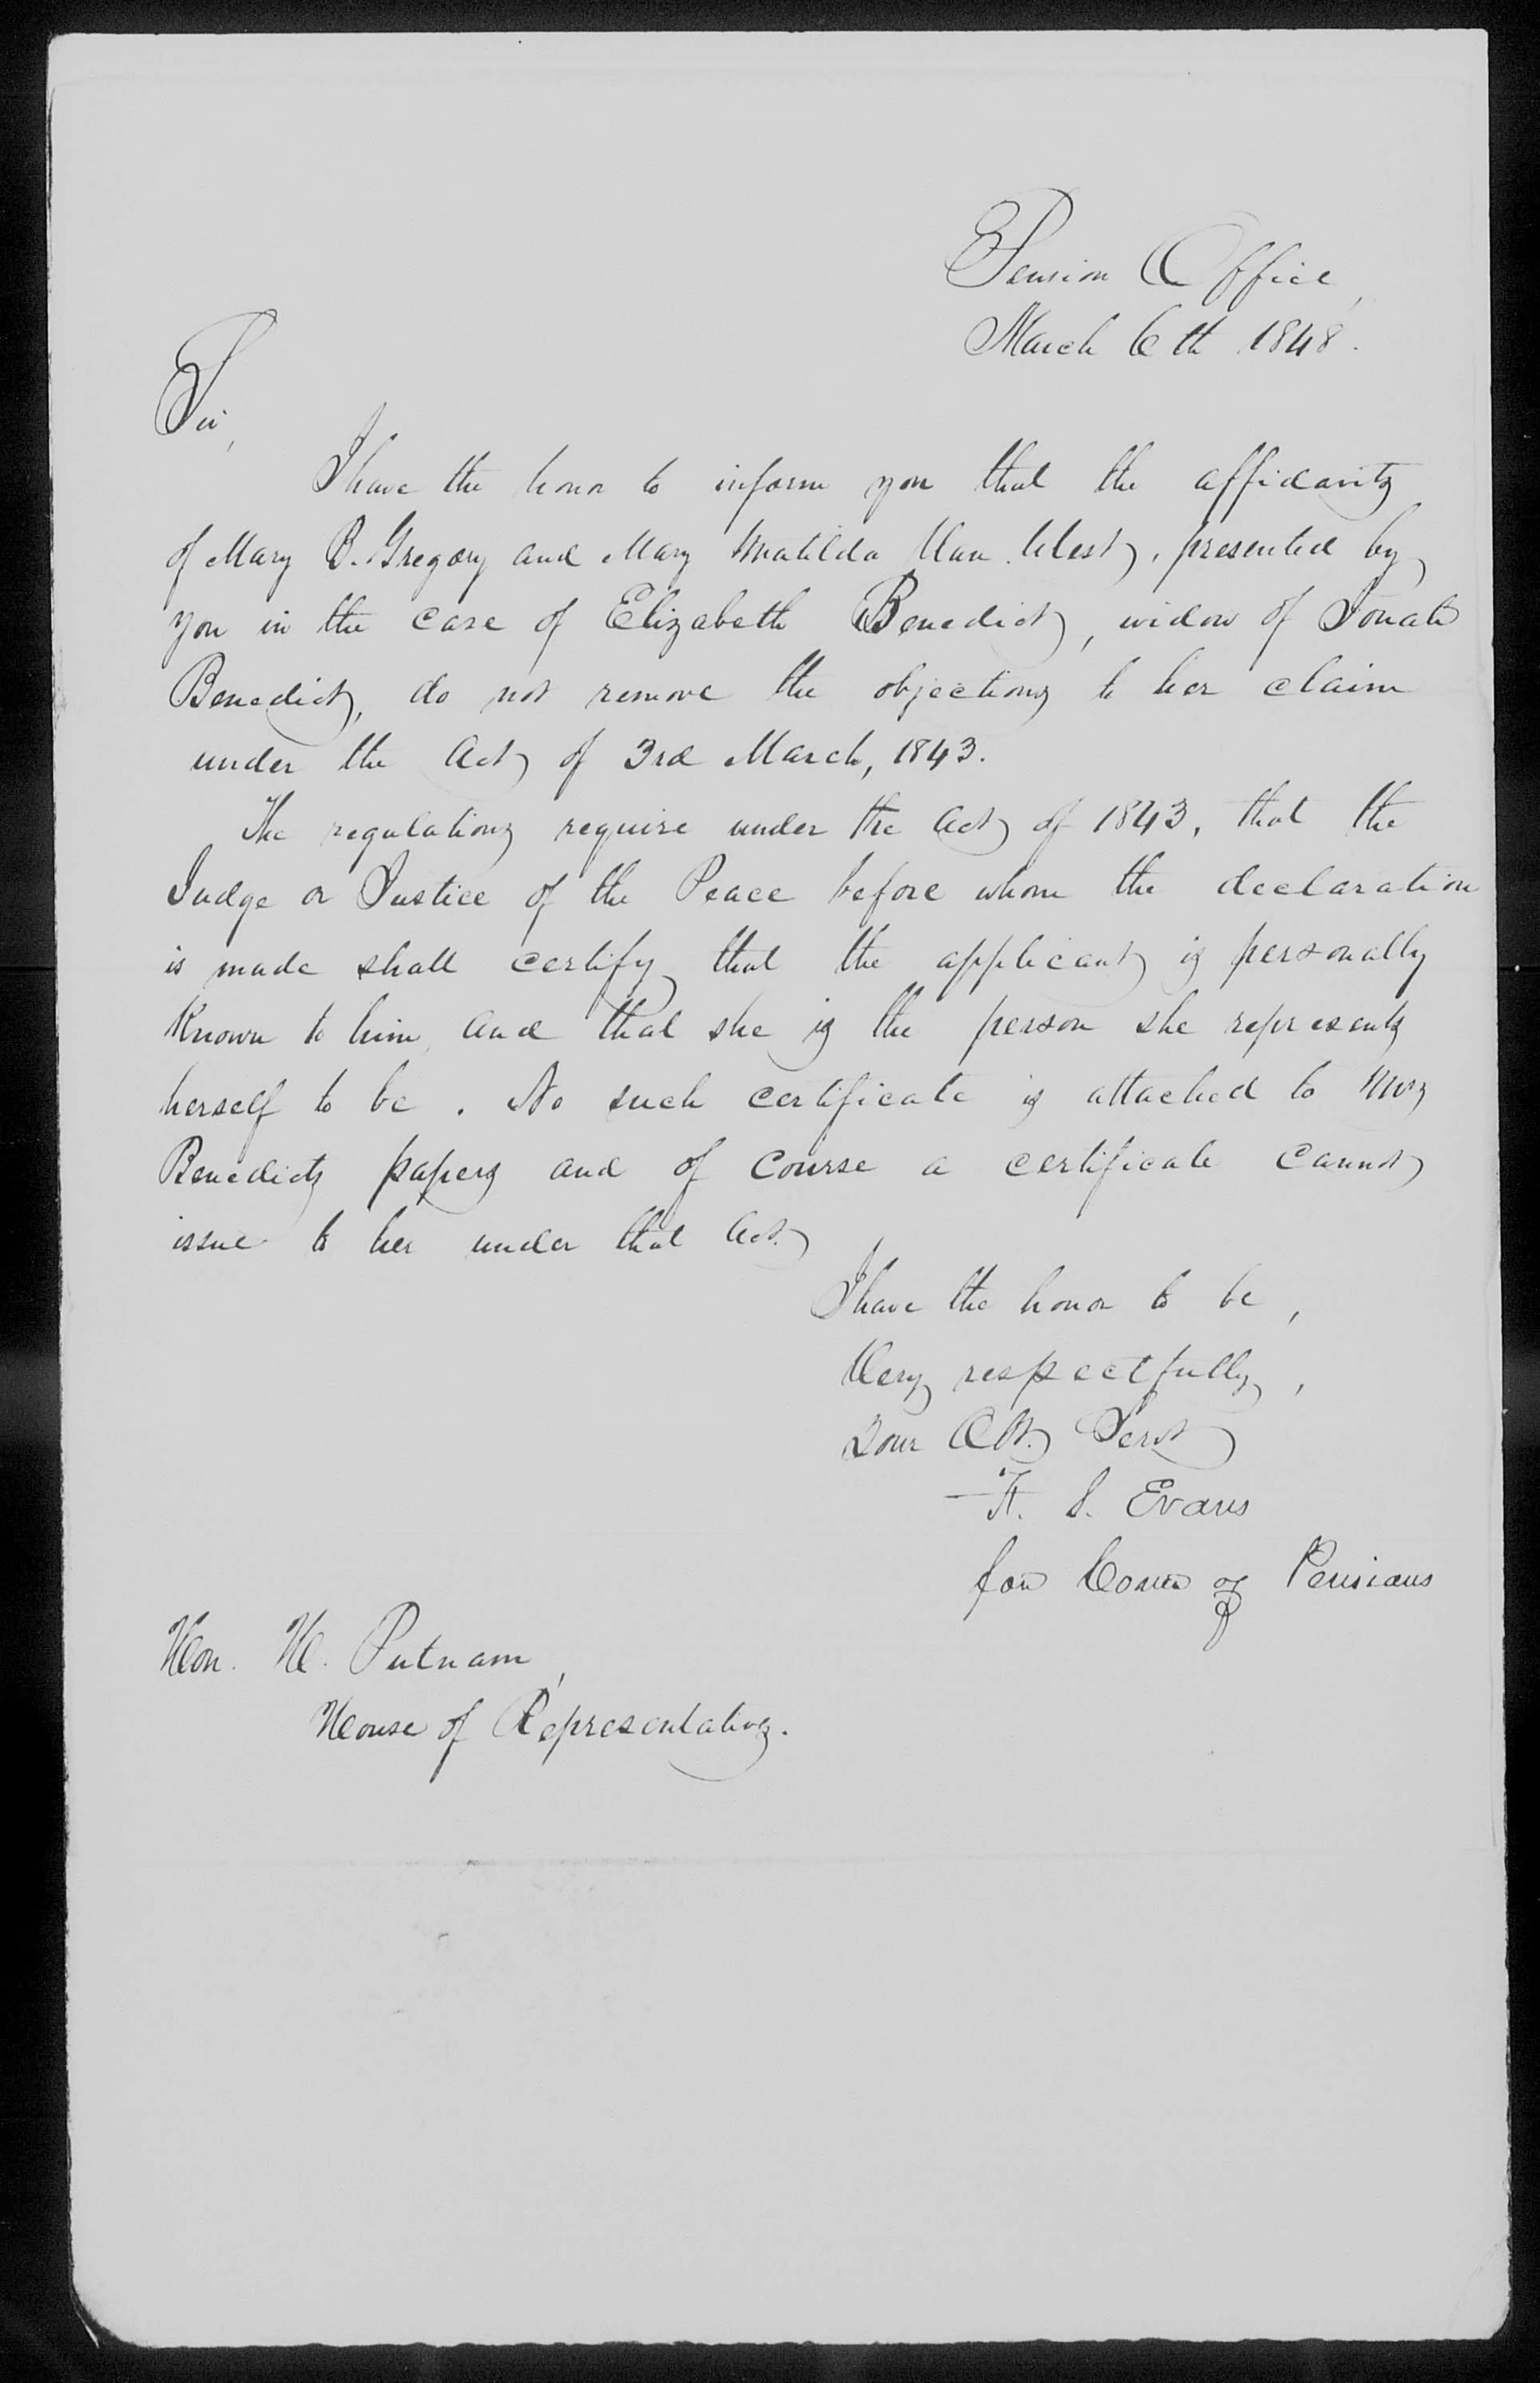Pension Office
                                                              March 6th 1848.
Sir,
        I have the honor to inform you that the affidavits
of Mary B. Gregory and Mary Matilda Van West presented by
you in the case of Elizabeth Benedict, widow of Jonah
Benedict, do not remove the objections to her claim
under the act of 3rd March, 1843.
       The regulations require under the Act of 1843, that the
Judge or Justice of the Peace before whom the declaration
is made shall certify that the applicant is personally
known to him and that she is the person she represents
herself to be. No such certificate is attached to Mrs
Benedicts papers and of course a certificate cannot
issue to her under that act
                                       I have the honor to be
                                        Very respectfully
                                            Your Obt. Servt
                                             F. S. Evans
                                              For Commr of Pensions
Hon. H. Putnam
    House of Representatives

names: H Putnam, Mary B Gregory, Mary Matilda Van West, Jonah Benedict, F S Evans, Benedict, Elizabeth Benedict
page: 28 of 56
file: [ILLEGIBLE], Jonah Benedict, Conn.